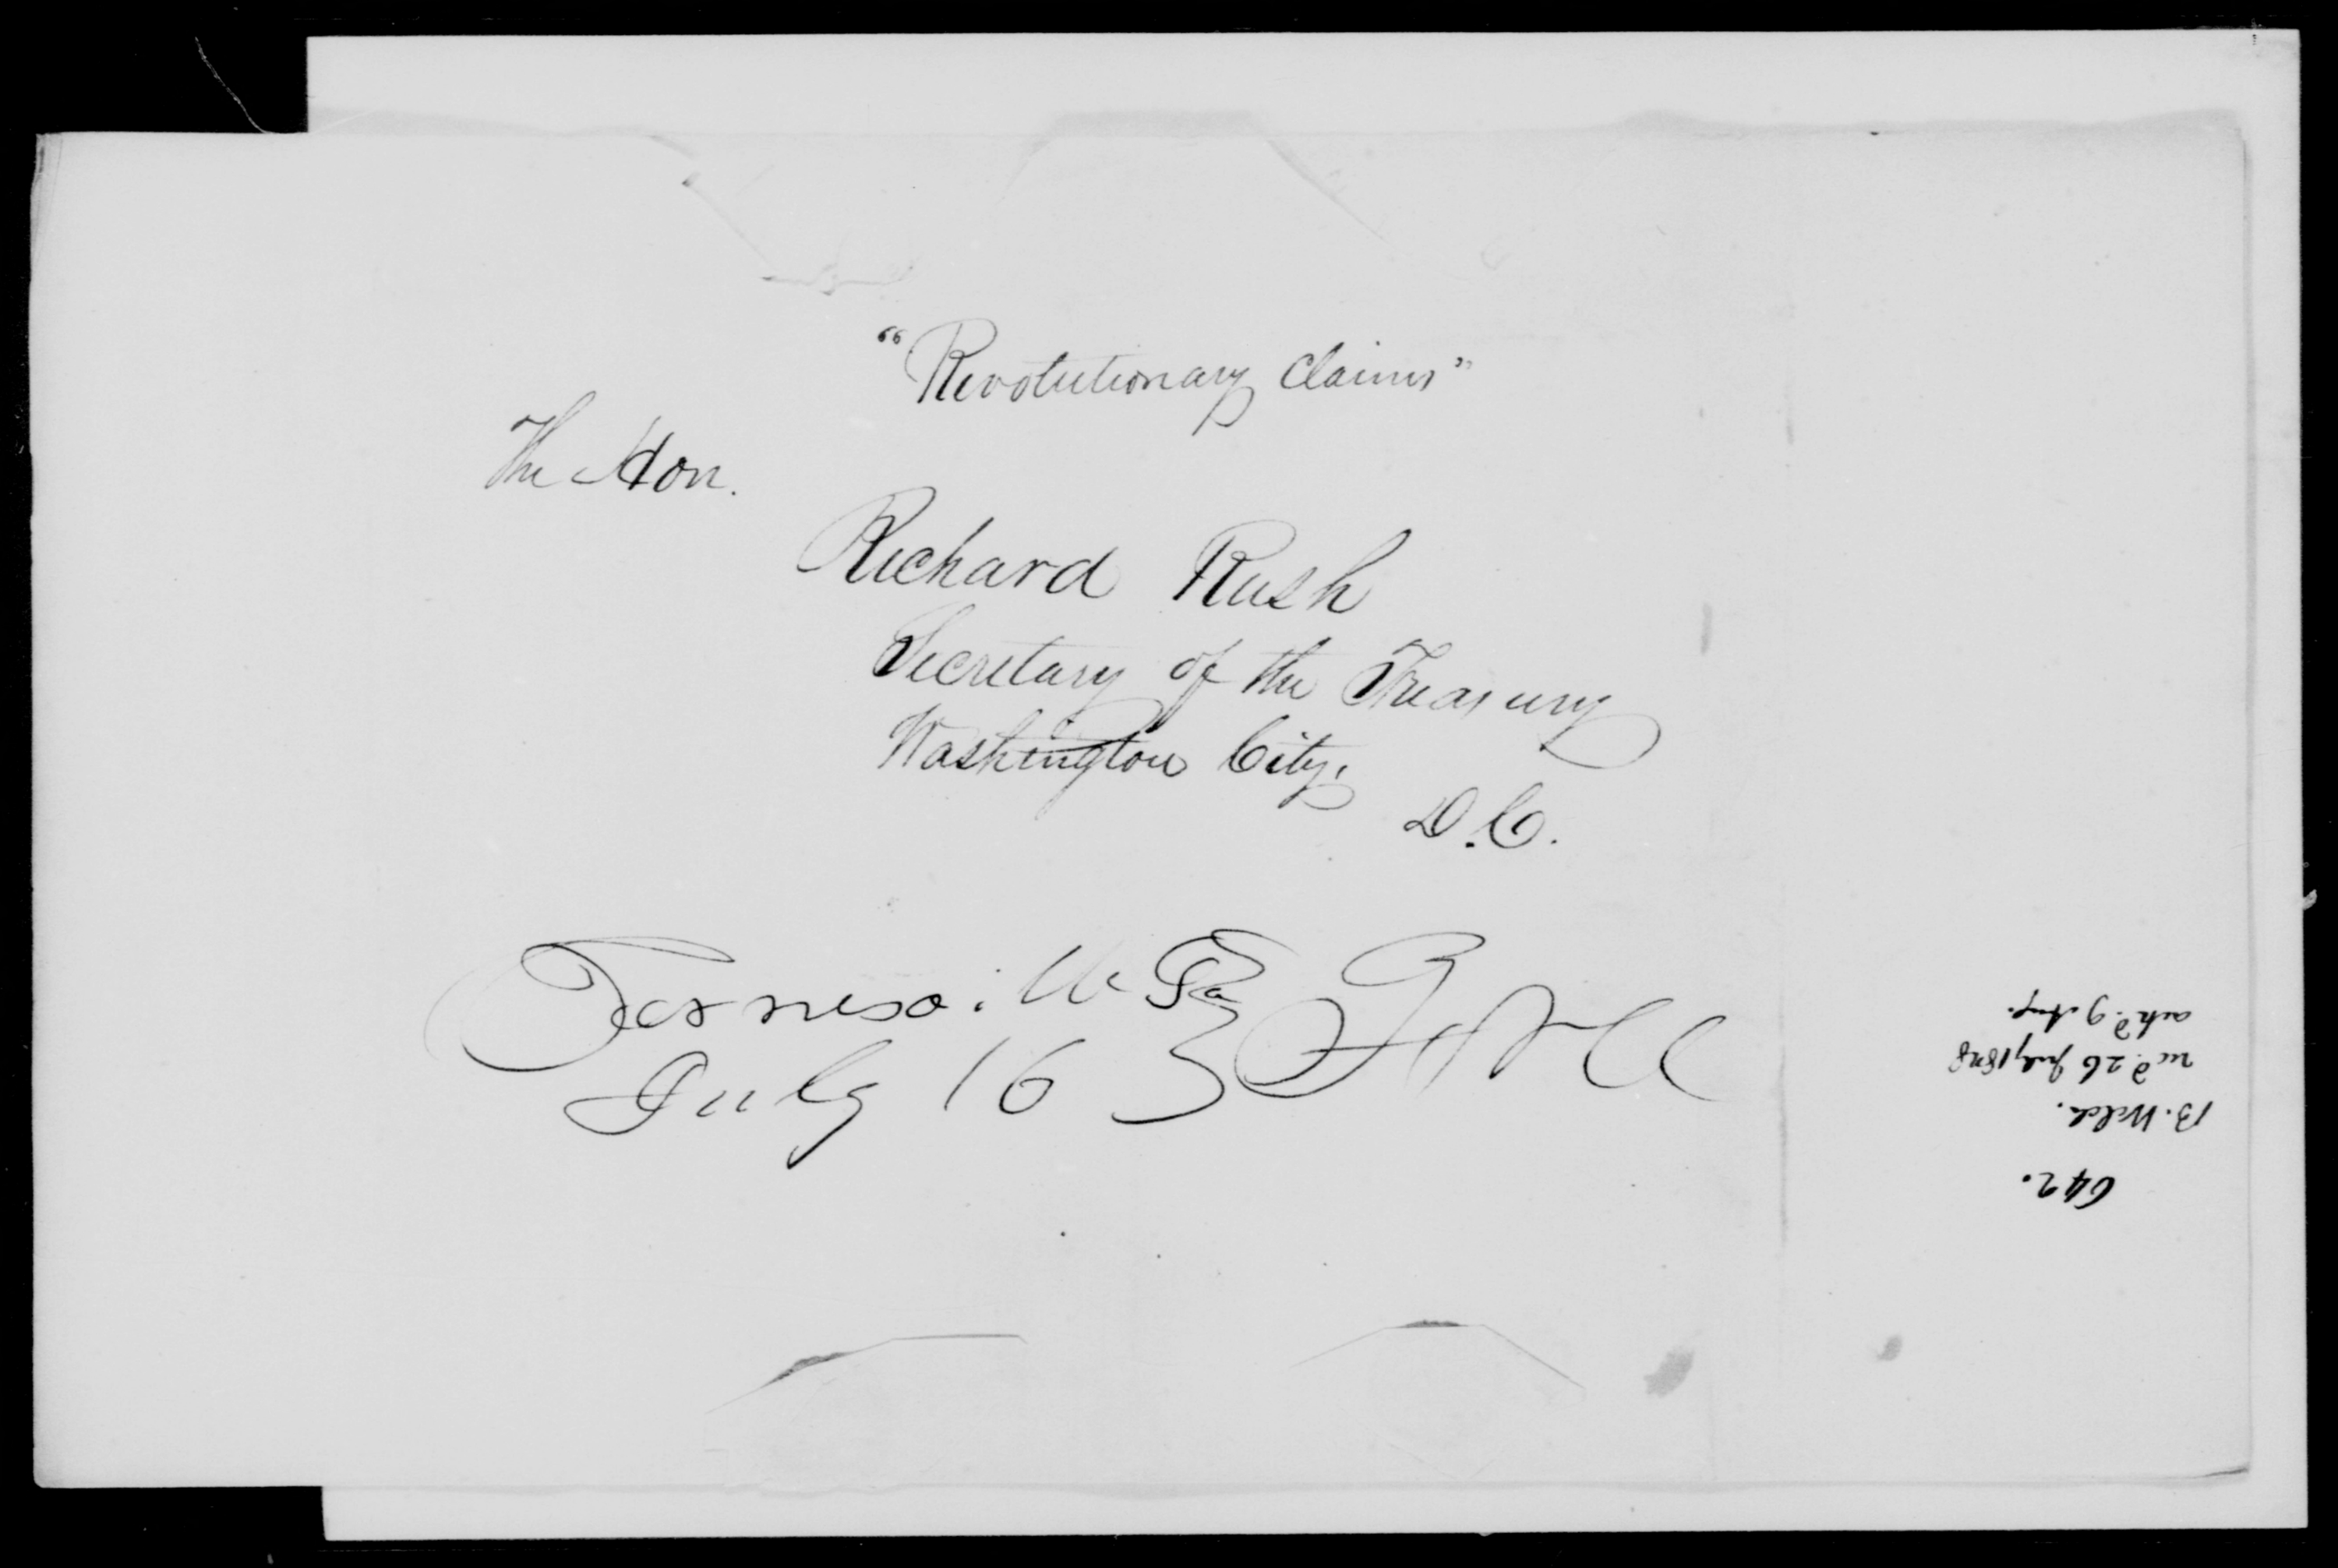"Revolutionary Claims"
The Hon. Richard Rush
Secretary of the Treasury
Washington City, D.C.
Carnesville Ga
July 16
Free
642.
B.Welch.
rec'd. 26 July 1828
ack'd. 9 Aug.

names: B Welch, Richard Rush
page: 11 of 23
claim: rejected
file: R. 20,446, Benjamin Welch, Ga.